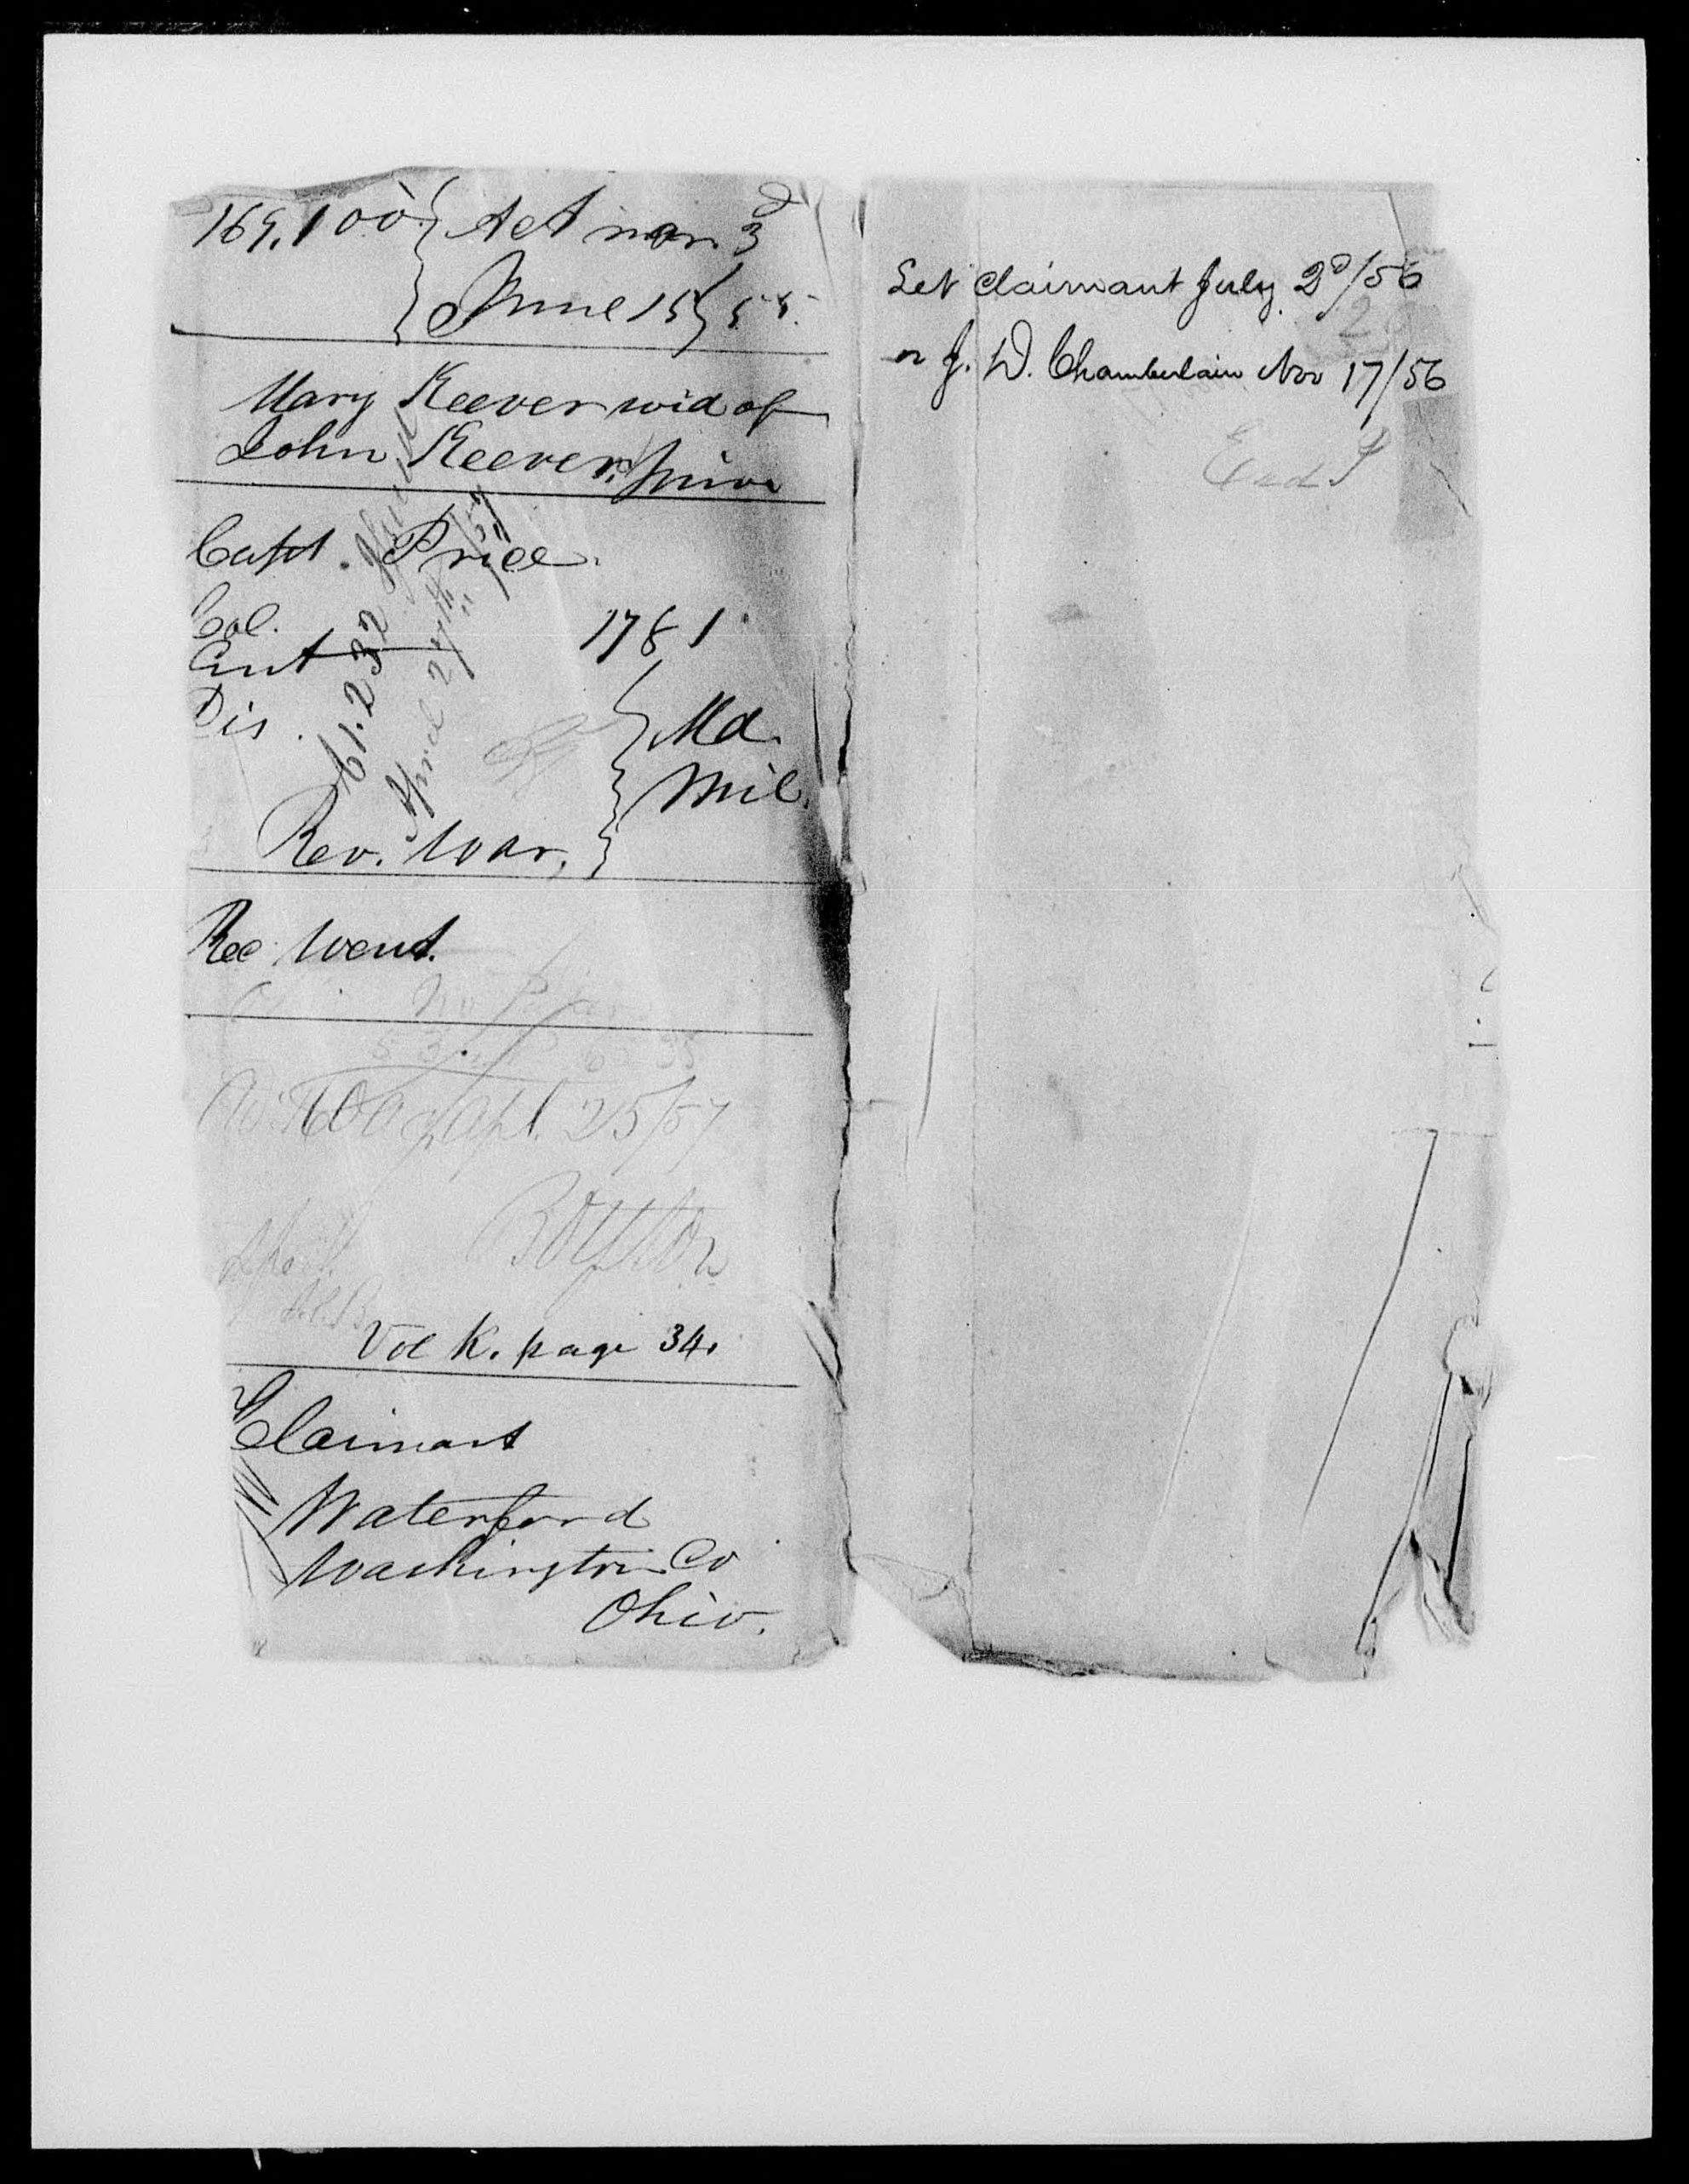Left Side Page
169,100 A.A. non 3
June 15/55

Mary Keever wid of
John Keever Priv
Capt. Pree
Co. blank

1781
Md Mil.
Rev War

61.232 issued Apr 27th '57

No 1600 Apr 25/57
Boynton
Vol K Page 34

Claimant
Waterford
Washington Co Ohio

Right Side Page

Let Claimant July 2/56
or J.D. Chamberlain Nov 17/56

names: John Keever; [BLANK] Price; [BLANK] Boynton; J D Chamberlain; Mary Keever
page: 2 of 33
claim: rejected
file: R. 5814, for John Keever, Maryland